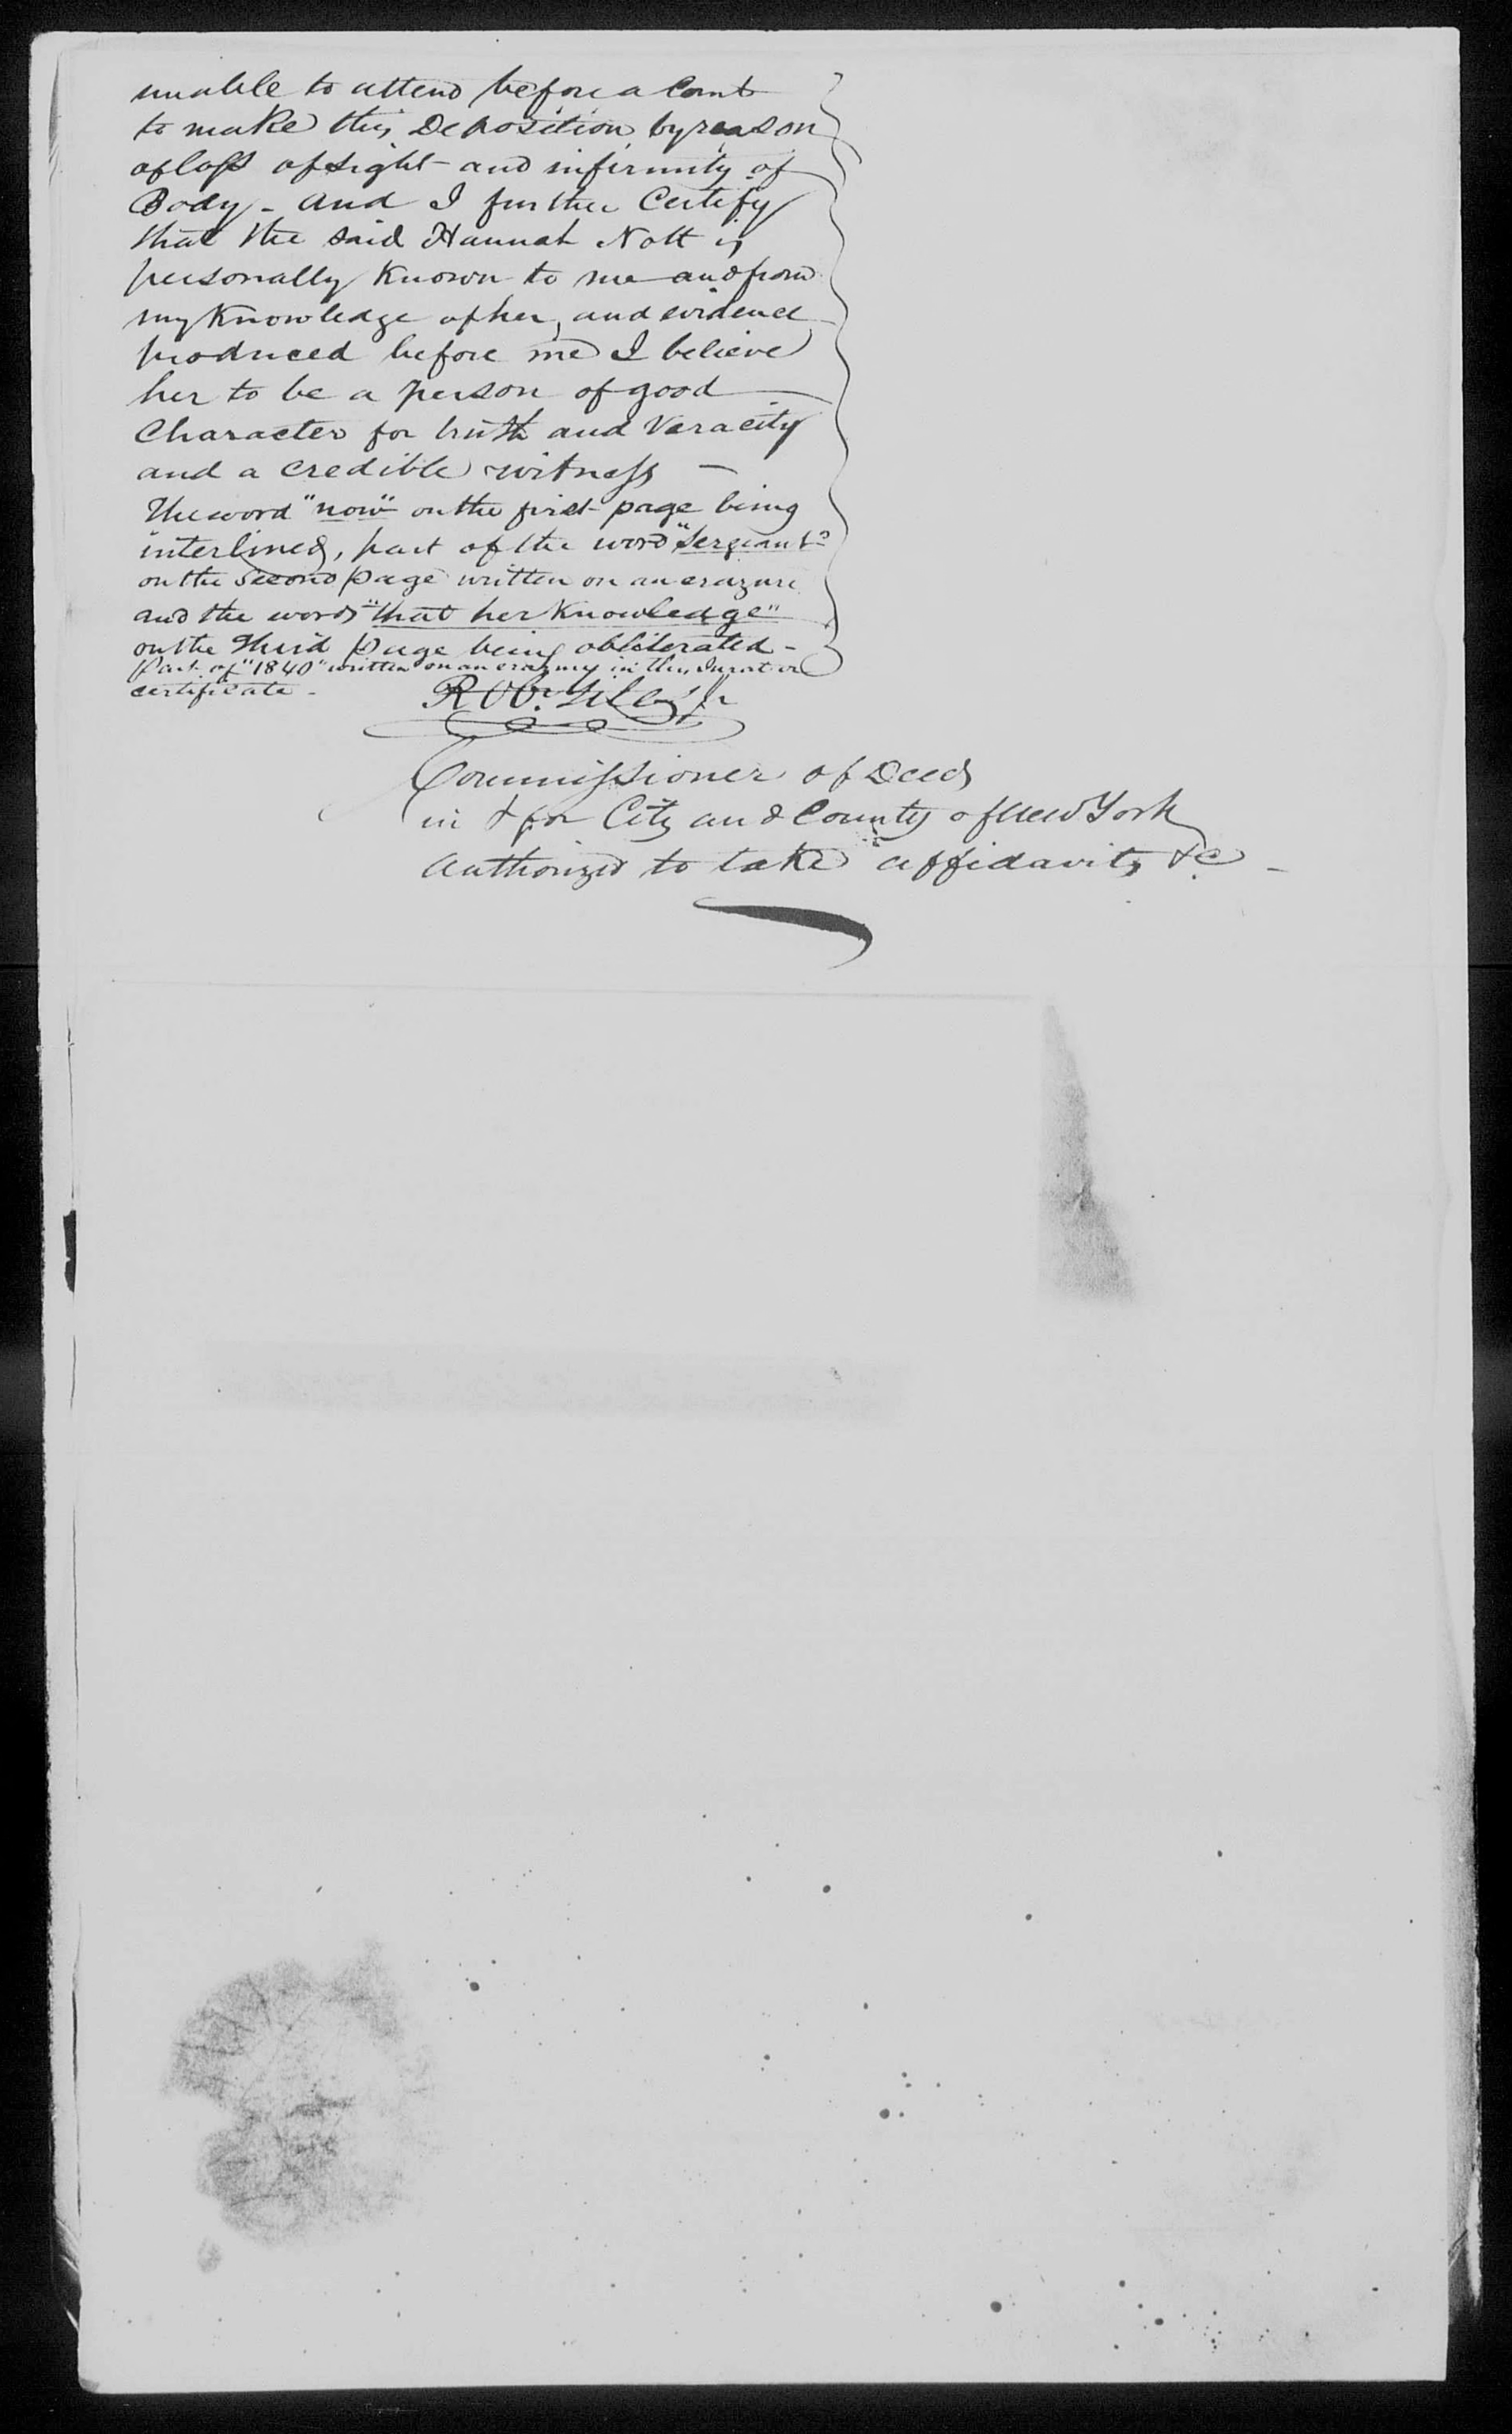unable to attend before a Court
to make this Deposition by reason
of loss of sight and infirmity of
Body and I further certify
that the said Hannah Nott
personally known to me and from
my knowledge of her, and evidence
produced before me I believe
her to be a person of good
Character for truth and veracity
and a credible witness
The word "now on the first page being
interlined, part of the word "Sergeant"
on the second page written on erasure
and the words "that her knowledge."
on the third page being obliterated-
Part of "1840" written on an erasure in the ?????
certificate
                            Robt. Giles Jr
                   Commissioner of Deeds
                   in & for City and County of New York
                   authorized to take affidavits &c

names: Robt Giles, Hannah Nott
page: 13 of 56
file: [ILLEGIBLE], Jonah Benedict, Conn.